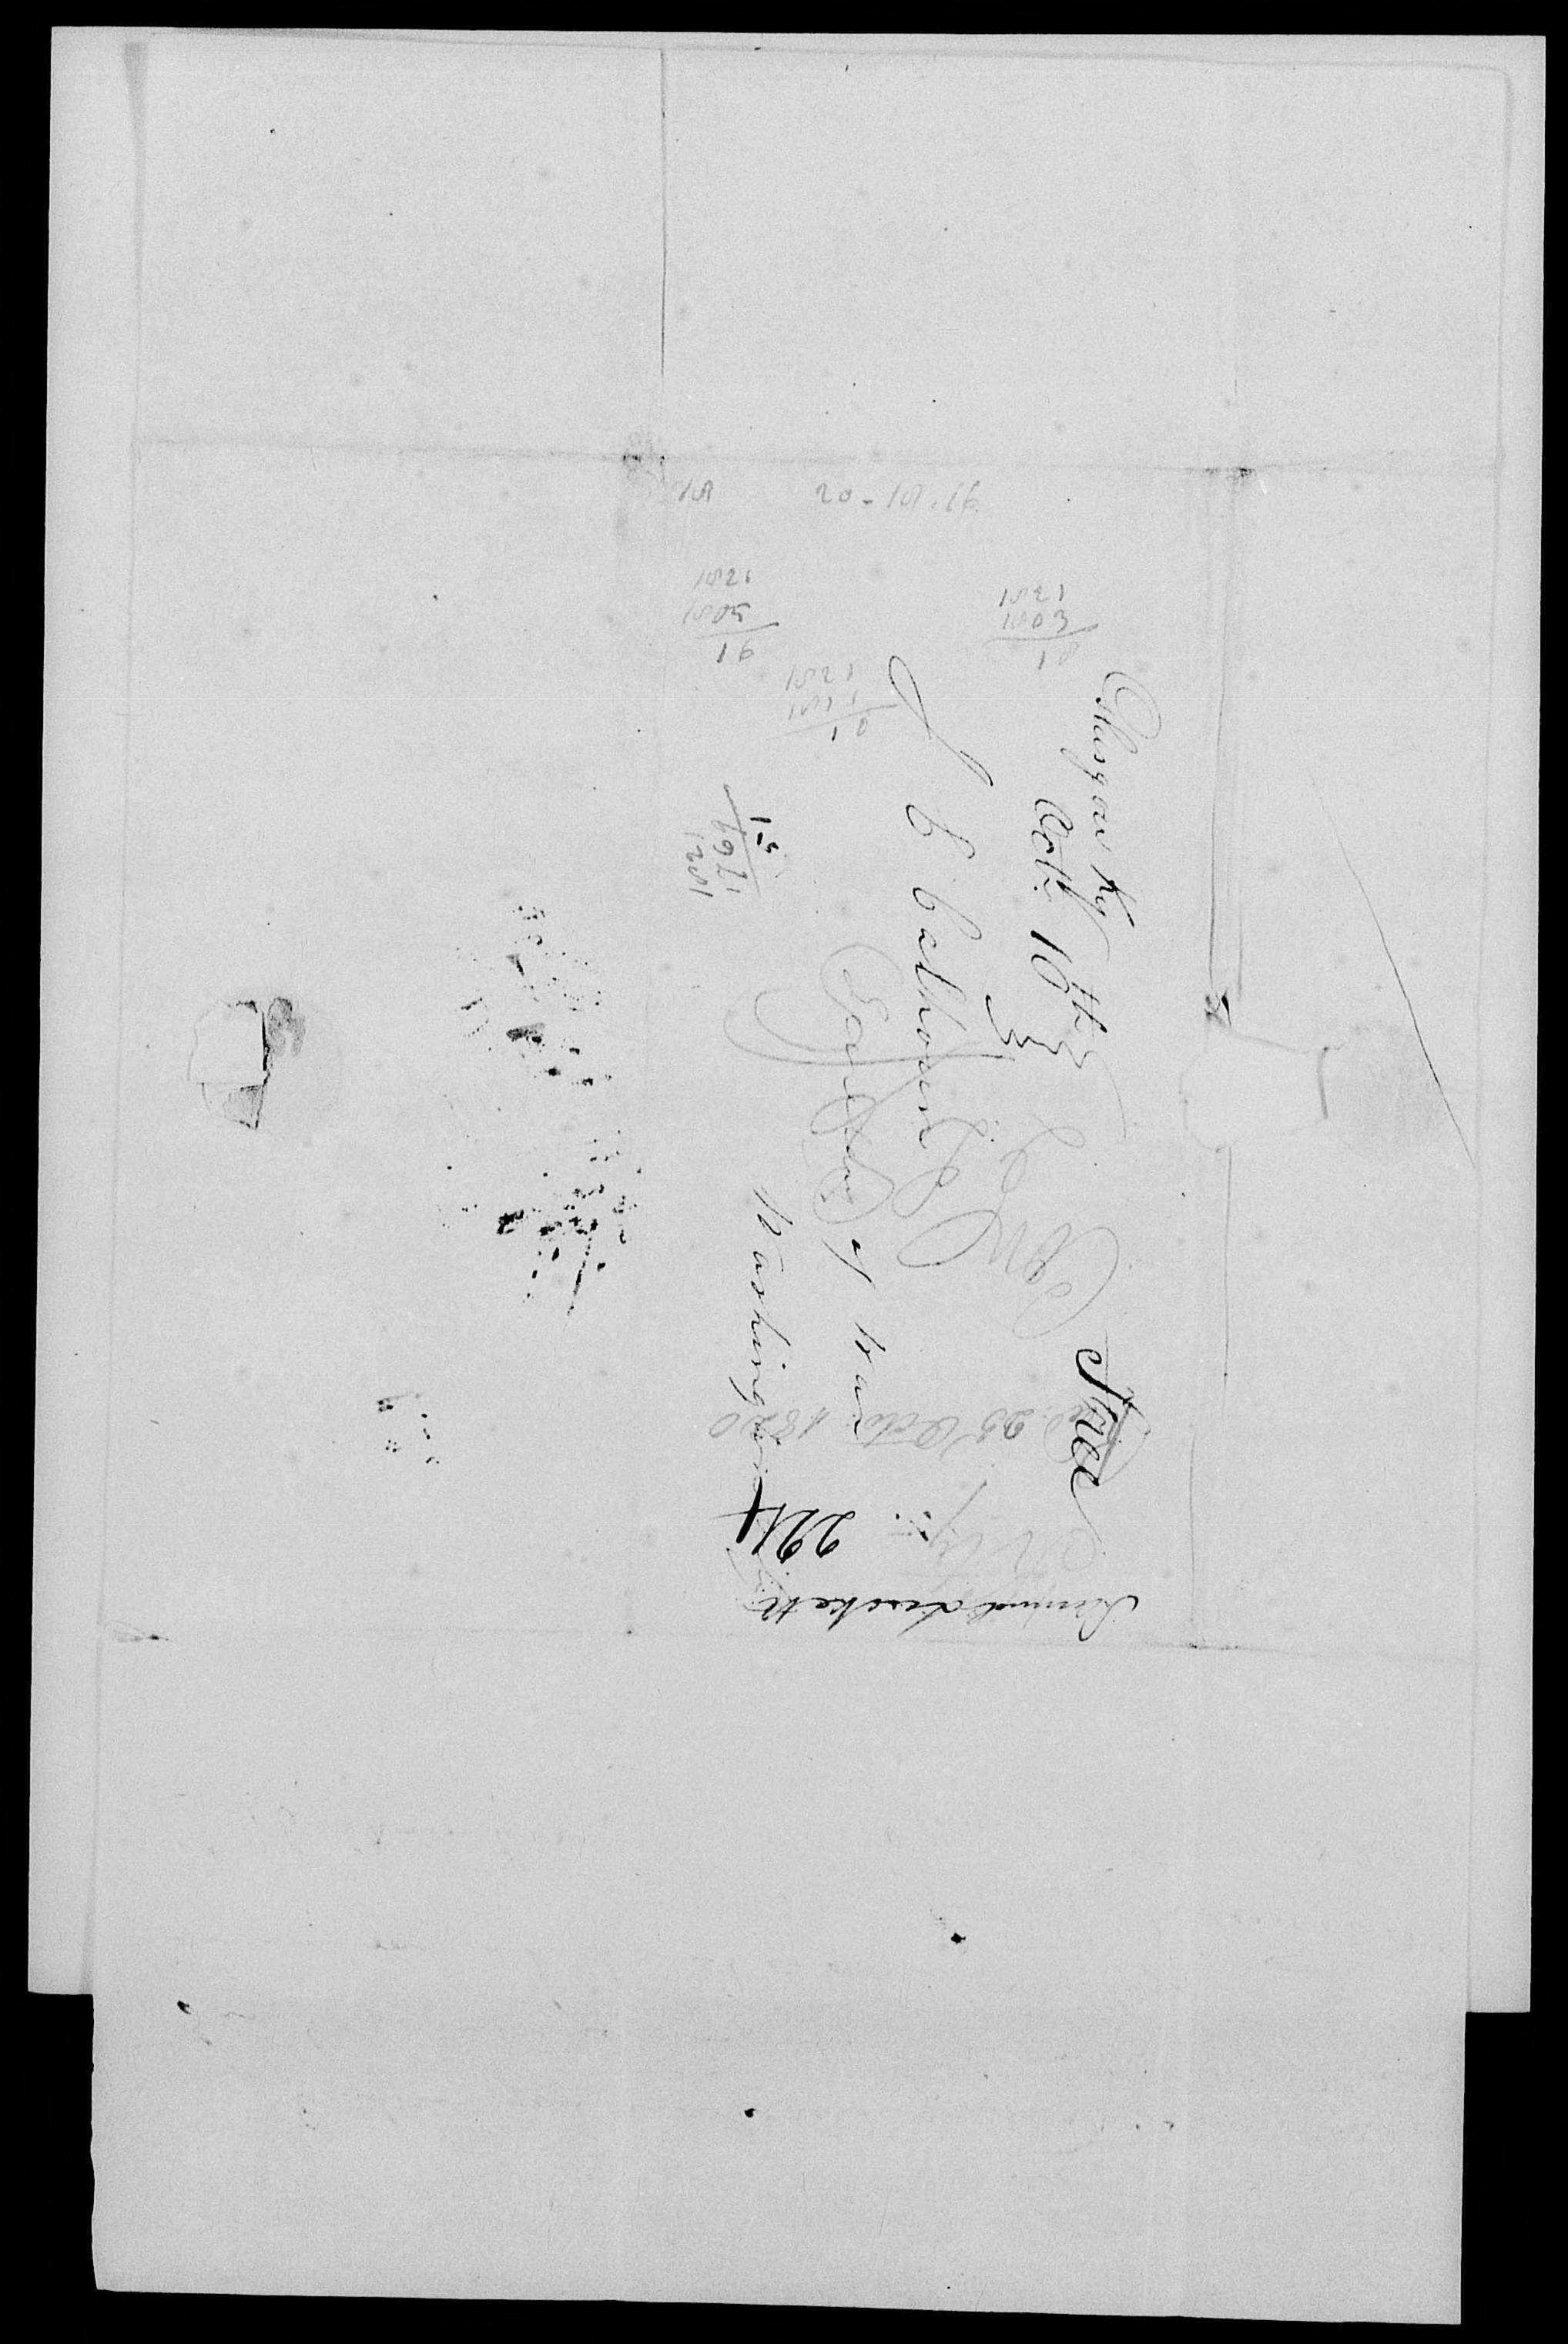FREE
Glasgow, Ky
Oct 10th

J L Edwards
Secretary of War
Washington City

Samuel Luckett
KY 224
Oct 25, 1820

Lots of calculations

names: Samuel Luckett; J C Calhoun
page: 19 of 34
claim: survivor's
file: S. 36,051, for Samuel Luckett, Maryland